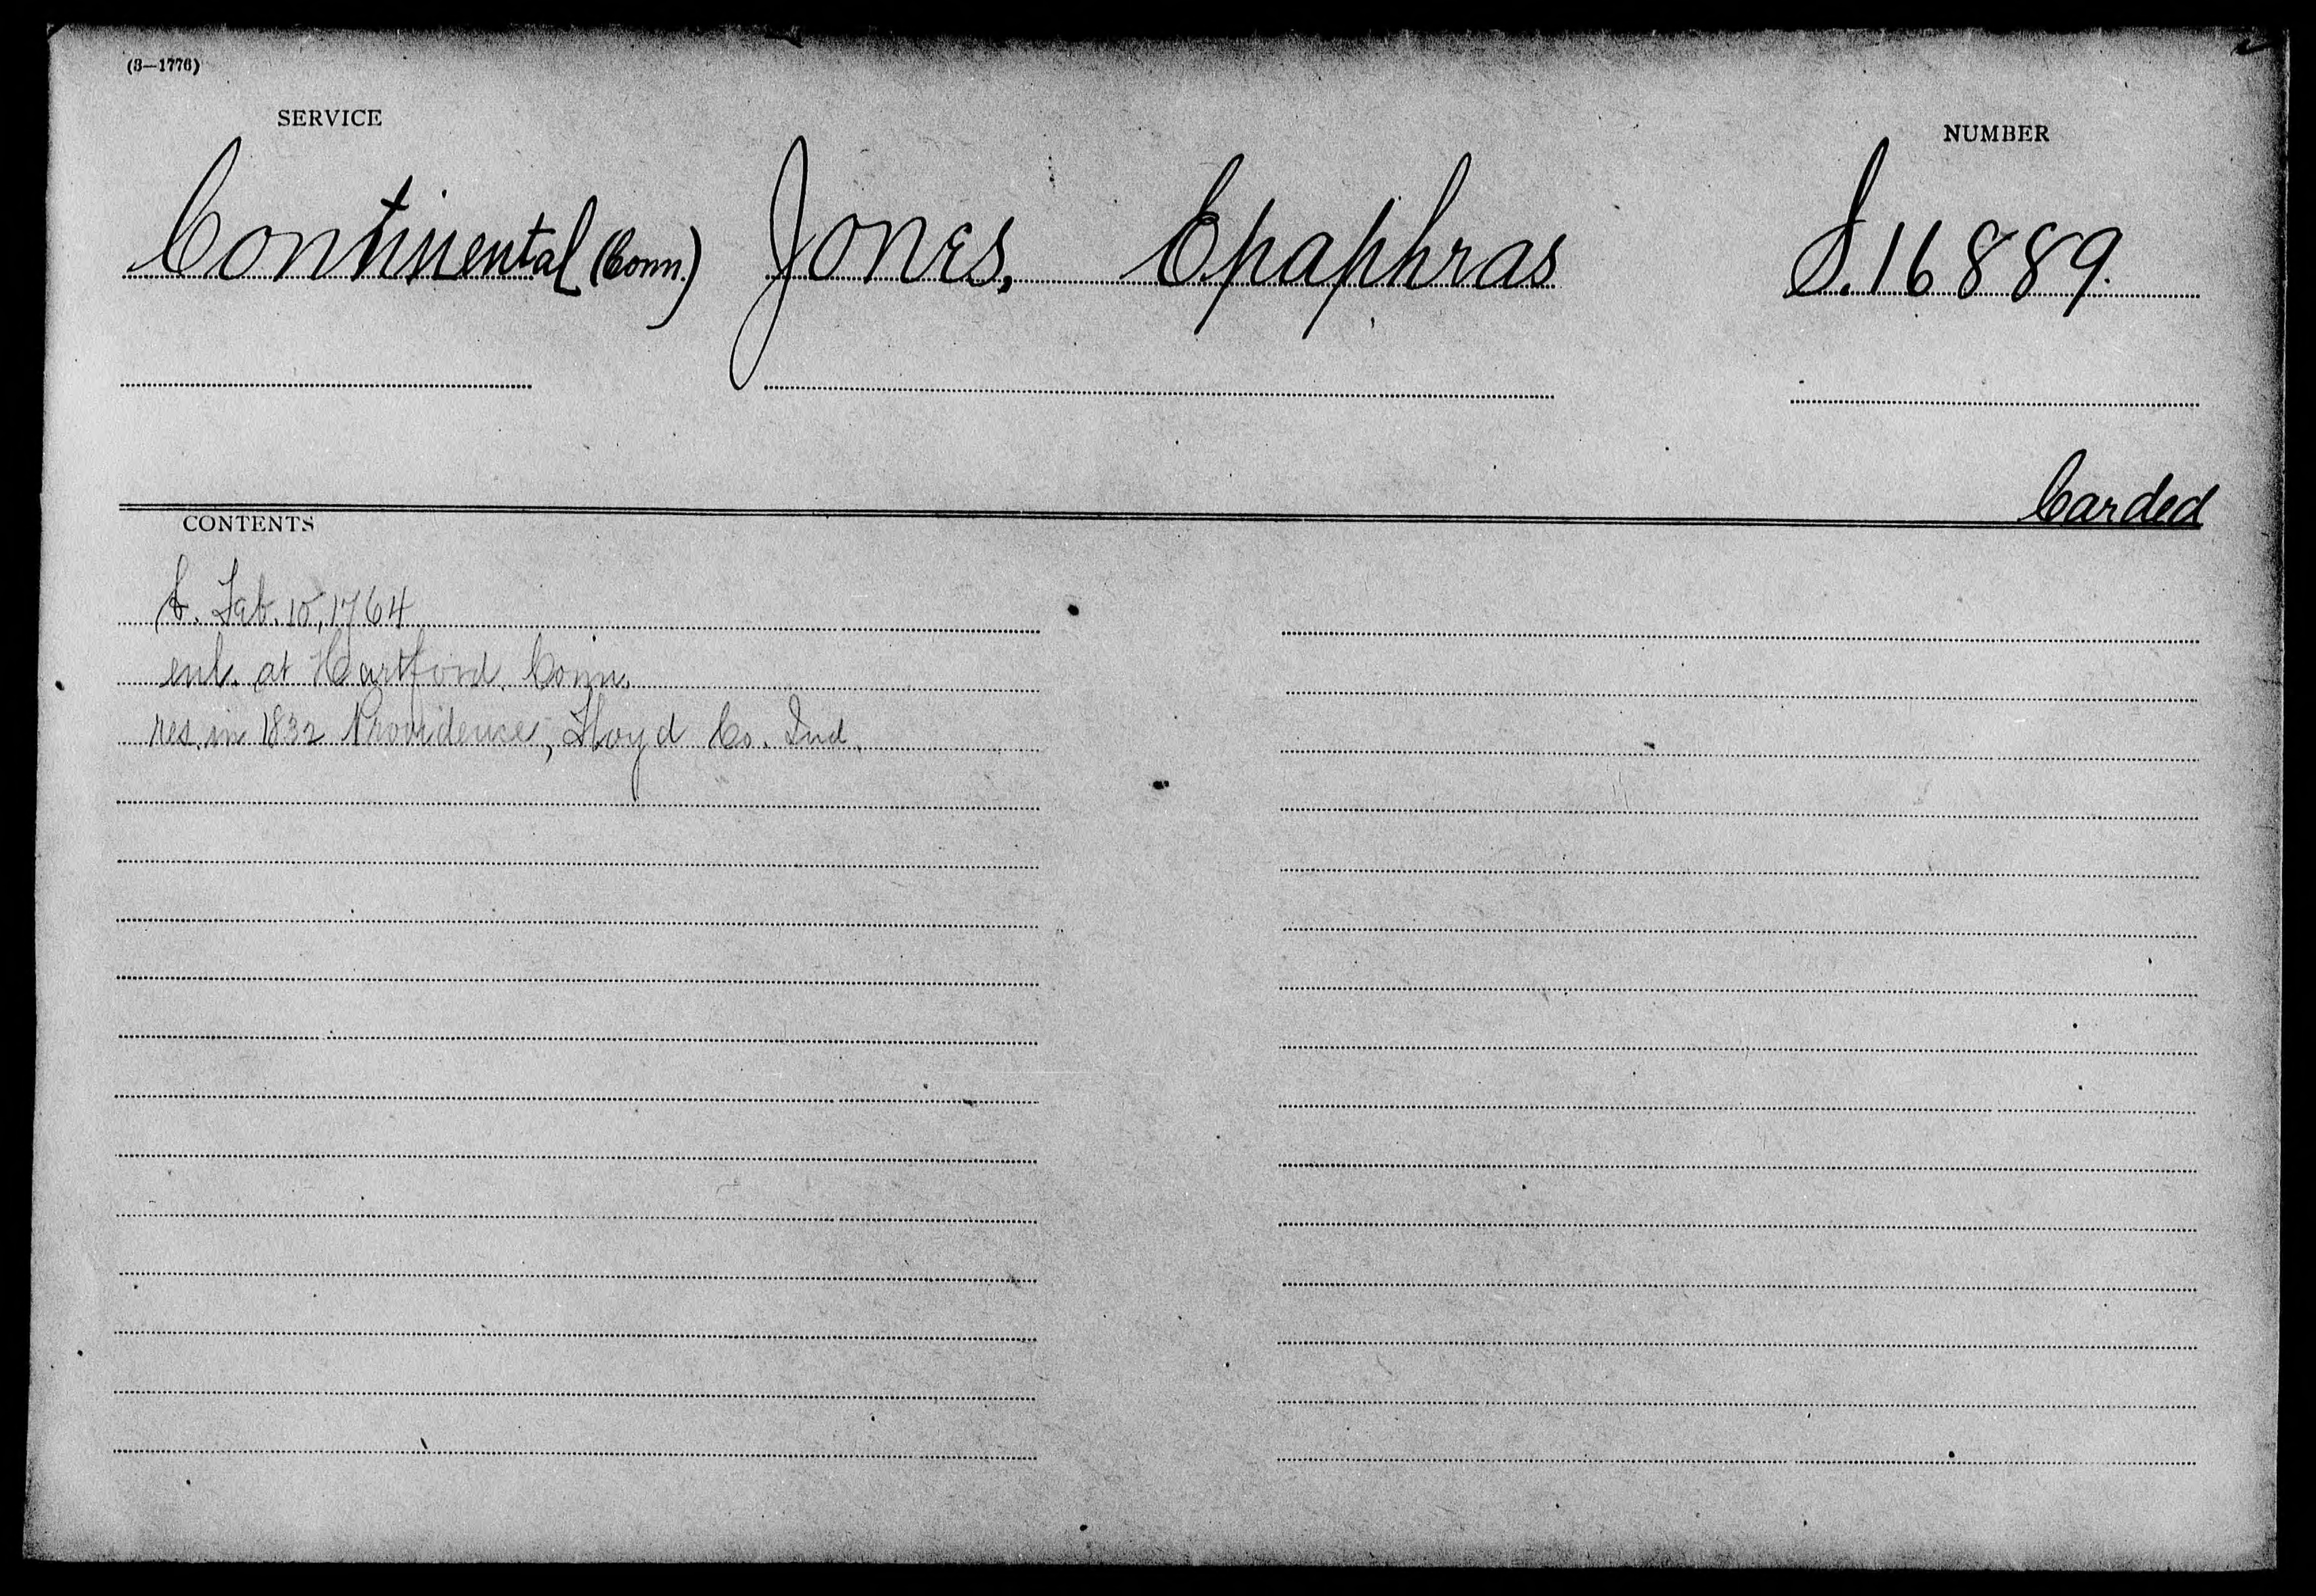(8--f1776)

SERVICE
Continental (Conn)

Jones, Epaphras

NUMBER
S. 16889

carded
--------------------------------------------------
CONTENTS
B. Feb. 10, 1764
enl at Harford, Conn.
res in 1832 Providence, Floyd Co.  Ind.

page: 1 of 17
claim: survivor's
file: S. 16889, for Epaphras Jones, Connecticut